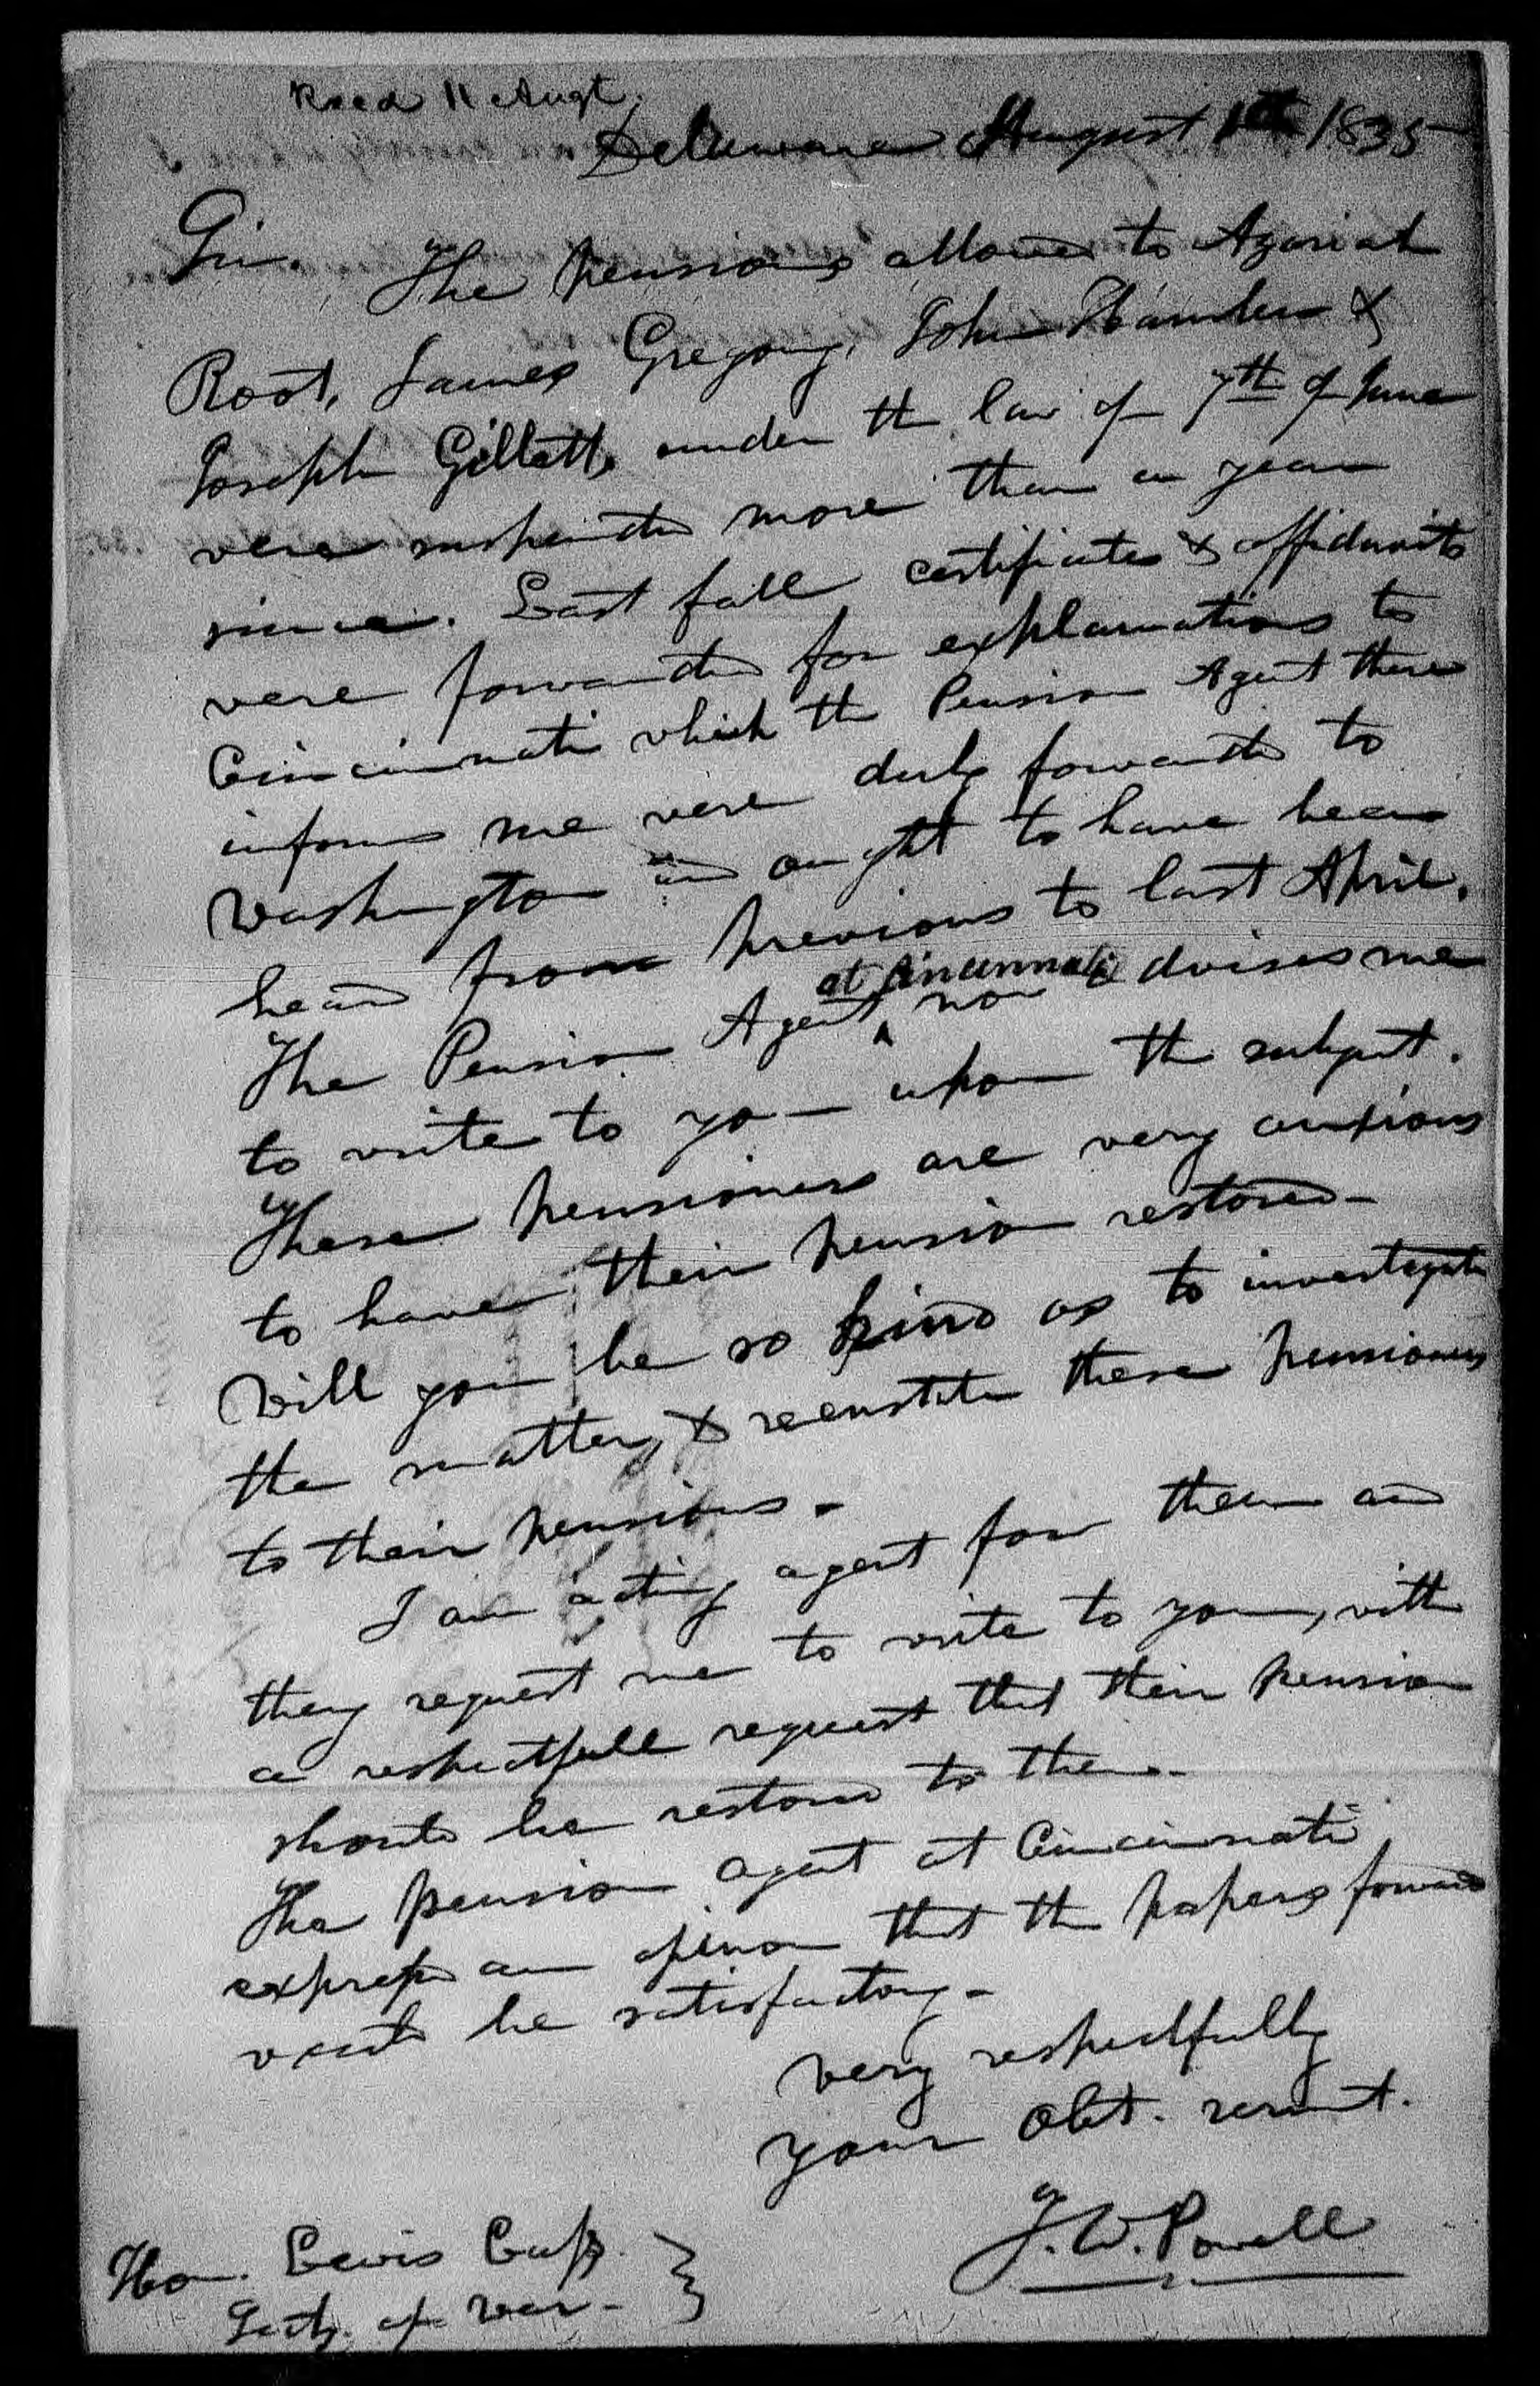Recd 11 Augt.

Delaware August 10th 1835

Sir,

The pensions allowed to Azariah Root, James Gregory, John Hamlen & Joseph Gillett, under the law of 7th of June were [unk] more than a years service. Last fall certificates & affidavits were forwarded for explanations to Connecticut which the Pension Agent there informs me were duly forwarded to Washington and ought to have been heard from previous to last April. The Pension Agent at Cincinnati now advises me to write to you upon the subject These pensioners are very anxious to have their pension restored. Will you be so kind as to investigate the matter & reenstate these pensioners to their pensions.

I am acting agent for them and they request me to write to you, with a respectable request that their pension should be restored to them. The pension agent at Cincinnati expressed an opinion that the papers forward sent be satisfactory.

Very respectfully your obt servt

T W Powell

Hon. Lewis Cass
Secty of War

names: John Hamlen, Joseph Gillett, James Gregory, T W Powell, Lewis Cass, Azariah Root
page: 14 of 27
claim: survivor's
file: S. 17445, James Gregory, Conn.